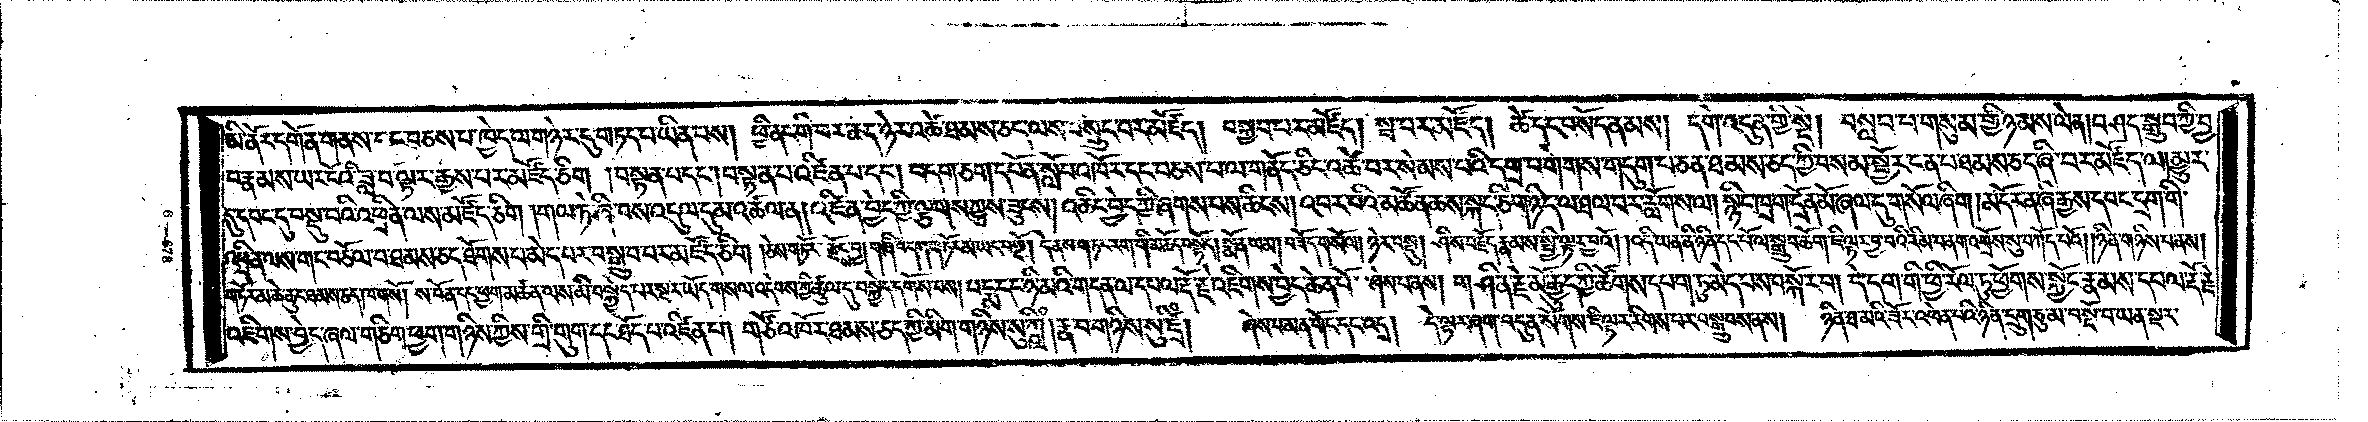མི་ནོར་དགོན་གནས་དང་བཅས་པ་ཁྱེད་ལ་གཉེར་དུ་གཏད་པ་ཡིན་པས། ཕྱི་ནང་གི་བར་ཆད་ཉེར་འཚེ་ཐམས་ཅད་ལས་བསྲུང་པར་མཛོད། །བསྐྱབ་པར་མཛོད། སྤ་བར་མཛོད། ཚེ་དང་བསོད་ནམས། དགེ་འདུན་གྱི་སྡེ། བསླབ་པ་གསུམ་གྱི་སྙན་ལེན། བཤད་སྒྲུབ་ཀྱི་བྱ་
བ་རྣམས་ཡར་ངོའི་ཟླ་བ་ལྟར་རྒྱས་པར་མཛོད་ཅིང་།བསྟན་པ་དང་། བསྟན་པ་འཛིན་པ་དང་། བདག་ཅག་དཔོན་སློབ་འཁོར་དང་བཅས་པ་ལ་གནོད་ཅིང་འཚེ་བར་སེམས་པའི་དགྲ་བགེགས་གདུག་པ་ཅན་ཐམས་ཅད་ཀྱི་བསམ་སྦྱོར་ངན་པ་ཐམས་ཅད་ཞི་བར་མཛོད་ལ། མྱུར་
དུ་དབང་དུ་བསྡུ་བའི་འཕྲིན་ལས་མཛོད་ཅིག །གལ་ཏེ་ཞི་བས་འདུལ་དུ་མ་འཚལ་ན། འཛིན་བྱེད་ཀྱི་ལྕགས་ཀྱུས་ཟུངས། འཆིང་བྱེད་ཀྱི་ཞགས་པས་ཆིངས། འབར་བའི་མཚོན་ཆས་སྐད་ཅིག་གཉིད་ལ་ཐལ་བར་རློགས་ལ། །སྙིང་ཁྲག་དོན་མོ་ཞལ་དུ་གསོལ་ཞིག། མདོར་ན་ཤི་རྒྱ་དབང་དྲག་གི་
འཕྲིན་ལས་གང་བཅོལ་བ་ཐམས་ཅད་ཐོགས་པ་མེད་པར་བསྒྲུབ་པར་མཛོད་ཅིག །ཅེས་གཏོར་རྫོགས་བྱ། །གཞི་བདག་གཏོར་མ་ཡང་བསྔོ། །དེ་ནས་གཏད་རག་གི་མཆོད་བསྟོད། སྨོན་ལམ། བཟོད་གསོལ། ཉེར་བསྡུ། ཤིས་བརྗོད་རྣམས་སྤྱི་ལྟར་བྱའོ། །འདི་ཡན་ནི་ཉིན་དང་པོ་ལ་སྒྲུབ་ཆོག་ཇི་ལྟར་བྱ་བའི་རིམ་པ་ནག་འགྲོས་སུ་བཀོད་པའོ། །ཉིན་གཉིས་པ་ནས།
གཏོར་མ་ཆེ་ཆུང་ཐམས་ཅད་ཁ་གསོ། ས་བོན་དང་ཕྱག་མཚན་ལས་མི་བསྐྱེད་པར་སྔར་ཡོད་གསལ་བདེབས་ཀྱི་ཚུལ་དུ་བསྐྱེད་དགོས་པས། །པདམ་དང་ཉི་མའི་གདན་ལ་དཔལ་རྡོ་རྗེ་འཇིགས་བྱེད་ཆེན་པོ་ཞེས་པ་ནས། གཤིན་རྗེ་མོ་རྒྱུད་ཀྱི་ཚོགས་དཔག་ཏུ་མེད་པས་བསྐོང་བ། དེ་དག་གི་ཕྱི་རོལ་ཏུ་ཕྱོགས་སྐྱོང་རྣམས་དཔལ་རྡོ་རྗེ་
འཇིགས་བྱེད་ཞལ་གཅིག་ཕྱག་གཉིས་ཀྱིས་གྲི་གུག་དང་ཐོད་པ་འཛིན་པ། གཙོ་འཁོར་ཐམས་ཅད་ཀྱི་མིག་གཉིས་སུ་ཀཥིཾ། རྣམ་པ་གཉིས་སུ་ཛྲིཾ། ཞེས་པ་མན་གོང་དང་འདྲ། དེ་ལྟར་ཞག་བདུན་སོགས་ཇི་ལྟར་རིམས་པར་སྒྲུབས་ནས། ཉིན་ཐ་མའི་ཟོར་འཕེན་པའི་ཉིན་དྲུག་ཅུ་མ་བསྔོ་བ་ཡན་སྔར་